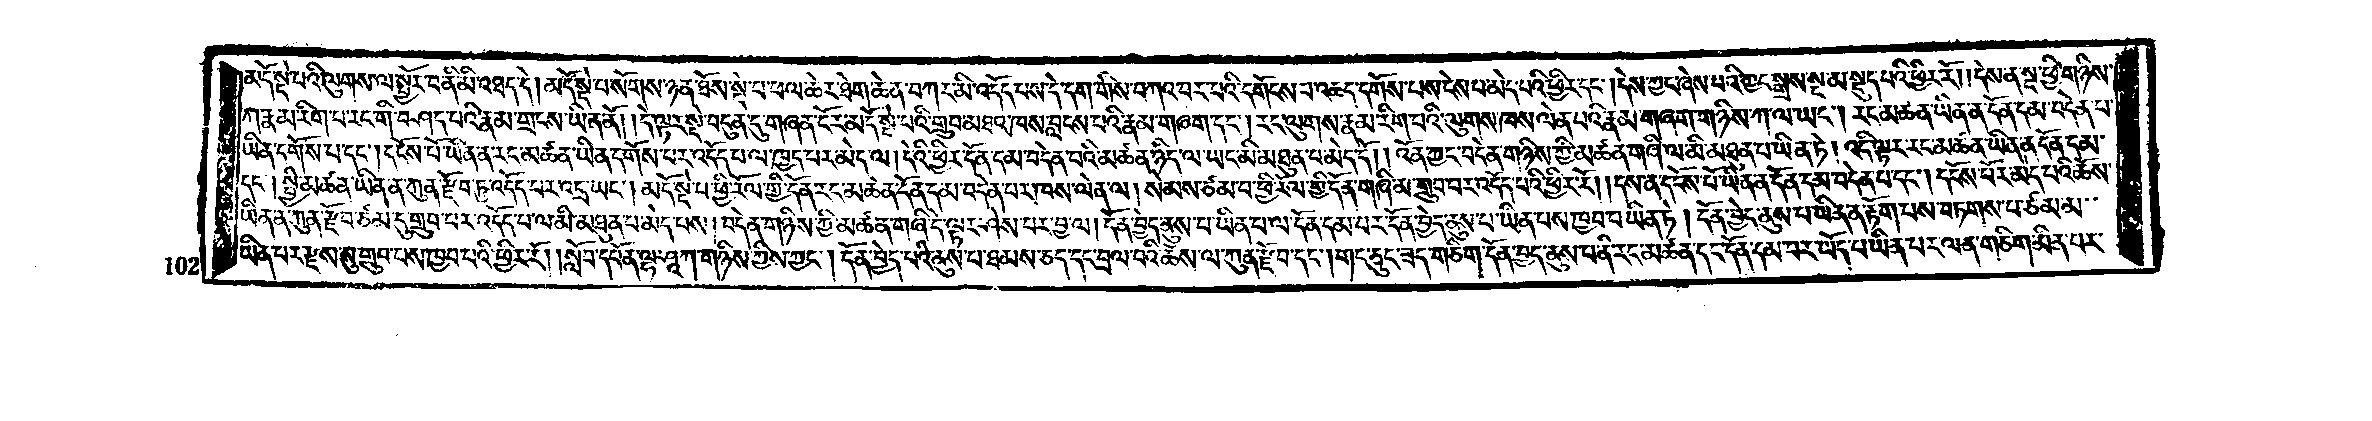མདོ་སྡེ་པའི་ལུགས་ལ་སྦྱོར་བ་ནི་མི་འཐད་དེ། མདོ་སྡེ་པ་སོགས་ཉན་ཐོས་སྡེ་པ་ཕལ་ཆེར་ཐེག་ཆེན་བཀར་མི་འདོད་པས་དེ་དག་གིས་བཀའ་བར་པའི་དགོངས་པ་འཆད་དགོས་པས་ངེས་པ་མེད་པའི་ཕྱིར་དང་། དེས་ཀྱང་ཞེས་པའི་ཀྱང་སྒྲས་སྔ་མ་སྡུད་པའི་ཕྱིར་རོ། །དེས་ན་སྔ་ཕྱི་གཉིས་
ཀ་རྣམ་རིག་པ་རང་གི་བཤད་པའི་རྣམ་གྲངས་ཡིན་ནོ། །དེ་ལྟར་སྡེ་བདུན་དུ་གཞན་ངོར་མདོ་སྡེ་པའི་གྲུབ་མཐའ་ཁས་བླངས་པའི་རྣམ་གཞག་དང་། རང་ལུགས་རྣམ་རིག་པའི་ལུགས་ཁས་ལེན་པའི་རྣམ་གཞག་གཉིས་ཀ་ལ་ཡང་། རང་མཚན་ཡིན་ན་དོན་དམ་བདེན་པ་
ཡིན་དགོས་པ་དང་། དངོས་པོ་ཡིན་ན་རང་མཚན་ཡིན་དགོས་པར་འདོད་པ་ལ་ཁྱད་པར་མེད་ལ། དེའི་ཕྱིར་དོན་དམ་བདེན་པའི་མཚན་ཉིད་ལ་ཡང་མི་མཐུན་པ་མེད་དོ། །འོན་ཀྱང་བདེན་གཉིས་ཀྱི་མཚན་གཞི་ལ་མི་མཐུན་པ་ཡིན་ཏེ། འདི་ལྟར་རང་མཚན་ཡིན་ན་དོན་དམ་
དང་། སྤྱི་མཚན་ཡིན་ན་ཀུན་རྫོབ་ཏུ་འདོད་པར་འདྲ་ཡང་། མདོ་སྡེ་པ་ཕྱི་རོལ་གྱི་དོན་རང་མཚན་དོན་དམ་བདེན་པར་ཁས་ལེན་ལ། སེམས་ཙམ་པ་ཕྱི་རོལ་གྱི་དོན་གཞི་མ་གྲུབ་པར་འདོད་པའི་ཕྱིར་རོ། །དེས་ན་དངོས་པོ་ཡིན་ན་དོན་དམ་བདེན་པ་དང་། དངོས་པོར་མེད་པའི་ཆོས་
ཡིན་ན་ཀུན་རྫོབ་ཙམ་དུ་གྲུབ་པར་འདོད་པ་ལ་མི་མཐུན་པ་མེད་པས། བདེན་གཉིས་ཀྱི་མཚན་གཞི་དེ་ལྟར་ཤེས་པར་བྱ་ལ། དོན་བྱེད་ནུས་པ་ཡིན་པ་ལ་དོན་དམ་པར་དོན་བྱེད་ནུས་པ་ཡིན་པས་ཁྱབ་པ་ཡིན་ཏེ། དོན་བྱེད་ནུས་པ་ཡིན་ན་རྟོག་པས་བཏགས་པ་ཙམ་མ་
ཡིན་པར་རྫས་སུ་གྲུབ་པས་ཁྱབ་པའི་ཕྱིར་རོ། །སློབ་དཔོན་ལྷ་ཤཱ་ཀ་གཉིས་ཀྱིས་ཀྱང་། དོན་བྱེད་པའི་ནུས་པ་ཐམས་ཅད་དང་བྲལ་བའི་ཆོས་ལ་ཀུན་རྫོབ་དང་། གང་ཅུང་ཟད་གཅིག་དོན་བྱེད་ནུས་པ་ནི་རང་མཚན་དང་དོན་དམ་པར་ཡོད་པ་ཡིན་པར་ལན་གཅིག་མིན་པ་